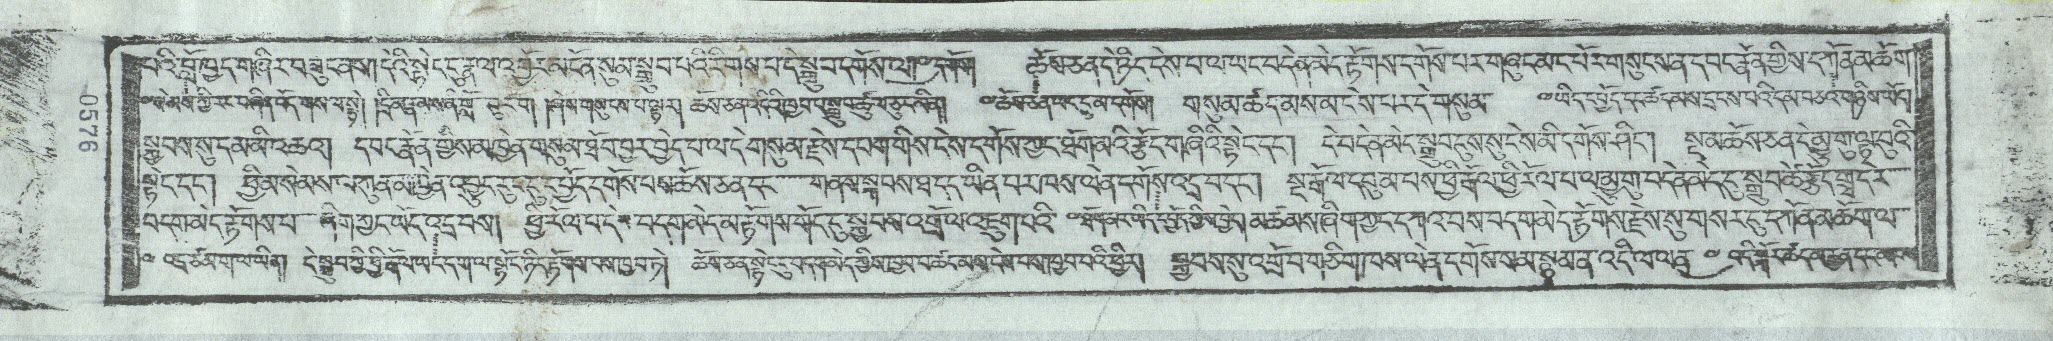པའི་བློ་ཁྱད་གཞིར་བཟུང་ནས། དེའི་སྟེང་དུ་རྣལ་འབྱོར་མངོན་སུམ་སྒྲུབ་པའི་རིགས་པ་དེ་སྒྲུབ་དགོས་ལ། ༧་དགོས། ཆོས་ཅན་དེ་ཉིད་དེས་པ་ལ་ཡང་བདེན་མེད་རྟོགས་དགོས་པར་གཞུང་མང་པོར་གསུངས་ན་དབང་རྣོན་གྱིས་དཀོན་མཆོག་
༧་སེམས་ཀྱི་རང་བཞིན་འོད་གསལ་སྟེ། །དྲིལ་རྣམ་ནི་གློ་བུར་བ། །ཞེས་གསུངས་པ་ལྟར། ཆོས་ཅན་འདིའི་ཁྱབ་པ་སྒྲུབ་ཚུལ་ཅུང་མིན། ༧་ཆོས་ཙན་ཡང་དུ་མ་དགོས། གསུམ་ཚད་མས་མ་ངེས་པར་དེ་གསུམ་༧་ཡིད་དཔྱོད་དང་ཚད་མས་དྲངས་པའི་དམ་བཅའ་གཉིས་ཡོད།
སྐྱབས་སུ་དམ་མི་འཆའ། དབང་རྣོན་གྱིས་མཁྱེན་གསུམ་ཐོབ་བྱར་བྱེད་པ་ལ་དེ་གསུམ་རྗེས་དཔག་གིས་ངེས་དགོས་ཀྱང་ཐོག་མའི་རྩོད་གཞིའི་སྟེང་དང་། དེ་བདེན་མེད་སྒྲུབ་དུས་སུ་ངེས་མི་དགོས་ཤིང་། སྔ་མ་ཆོས་ཅན་དེ་མྱུ་གུ་ལྟ་བུའི་
སྟེང་དང་། ཕྱི་མ་སེམས་ལ་ཀུན་མཁྱེན་འབྱུང་རུང་དུ་དཔྱོད་དགོས་པས་ཆོས་ཅན་དང་གནས་སྐབས་ཏ་དད་ཡིན་པར་ཁས་ལེན་དགོས་འདྲ་བ་དང་། སྔ་རྒོལ་དབུམ་པས་ཕྱི་རྒོལ་ཕྱི་རོལ་པ་ལ་མྱུ་གུ་བདེན་མེད་དུ་སྒྲུབ་ཚེ་རྩོད་གྲྭ་རེ་
བདག་མེད་རྟོགས་པ་ཞིག་ཀྱང་ཡོད་འདྲ་བས། ཕྱི་རོལ་བ་དེ་བདག་མེད་མ་རྟོགས་གོང་དུ་སྐྱབས་འགྲོལ་འཇུག་པའི་༧་ཐོག་མར་ཡིད་དཔྱོད་ཀྱིས་བྱེད། མཚམས་ཞིག་ཀྱང་དཀའ་བས་བདག་མེད་རྟོགས་རྗེས་སུ་གསར་དུ་དཀོན་མཆོག་ལ་
༧་འདྲ་ཙམ་གལ་ཡིན། དེ་སྒྲུབ་ཀྱི་ཕྱི་རྒོལ་ཡང་དག་ལ་སྟོང་ཉིད་རྟོགས་བས་ཁྱབ་ཏེ། ཆོས་ཅན་སྟེང་དུ་བདག་མེད་ཀྱིས་ཁྱབ་པ་ཚང་མས་ངེས་པས་ཁྱབ་པའི་ཕྱིར། སྐྱབས་སུ་འགྲོ་བ་གཅིག་ཁས་ལེན་དགོས་སམ་སྙམ་ན་འདི་ལ་ལན་༧་འདི་སྐོར་ཚངས་མ་རྒྱན་དང་མཁའ་